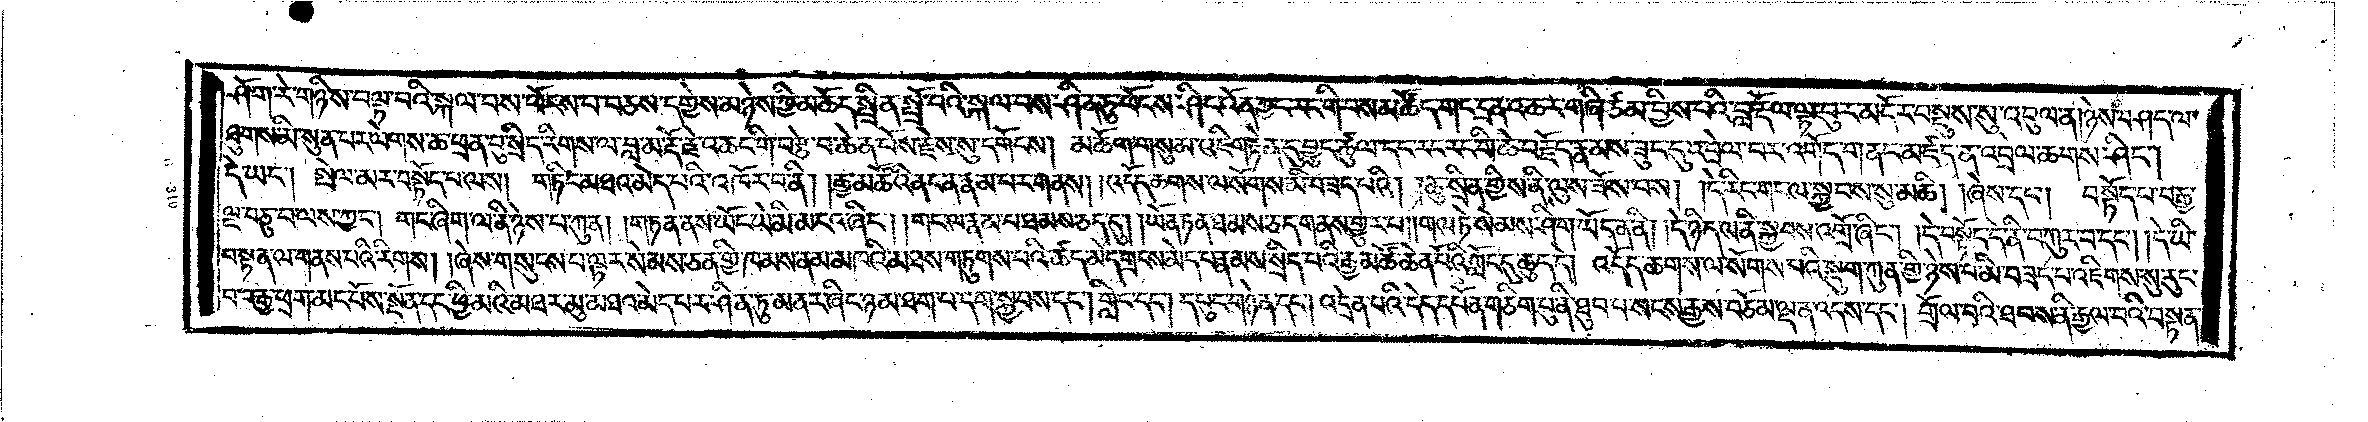ཤོག་རེ་གཉིས་བལྟ་བའི་སྐལ་བས་ཕོངས་པ་བཅས་དགྱེས་མཉེས་ཀྱི་མཆོད་སྤྲིན་སྤྲོ་བའི་སྐལ་བས་ཤིན་ཏུ་ཕོངས་ཤིང་འོན་ཀྱང་རང་གི་བས་མཚོད་གང་དྲན་འཆར་གཞི་ཙམ་བྱིས་བའི་བླ་རྡོལ་ལྟ་བུར་མདོར་བསྡུས་སུ་འབུལ་ན། ཉེས་བཤད་ལ་
ཐུགས་མི་སུན་པར་ལེགས་ཆ་ཕྲན་བུ་སྲིད་རིགས་ལ་བླ་མ་རྡོ་རྗེ་འཆང་གི་བརྩེ་བ་ཆེན་པོས་རྗེས་སུ་དགོངས། མཆོག་གསུམ་འཇིག་རྟེན་དུ་བྱུང་ཚུལ་དང་རང་རང་གི་ཆེ་བརྗོད་རྣམས་ཟུང་དུ་འབྲེལ་བར་འགོད་གནང་མཛད་ན་འབྲེལ་ཆགས་ཤིང་།
དེ་ཡང་། སྤེལ་མར་བསྟོད་པ་ལས། གཏིང་མཐའ་མེད་པའི་འཁོར་བ་ནི། །རྒྱ་མཚོའི་ནང་ན་རྣམ་པར་གནས། །འདོད་ཆགས་ལ་སོགས་མི་བཟད་པའི། །ཆུ་སྲིན་གྱིས་ནི་ལུས་ཟོས་པས། །དེ་རིང་གང་ལ་སྐྱབས་སུ་མཆི། །ཞེས་དང་། བསྟོད་པ་བརྒྱ་
ལྔ་བཅུ་པ་ལས་ཀྱང་། གང་ཞིག་ལ་ནི་ཉེས་པ་ཀུན། །གཏན་ནས་ཡོང་ཡེ་མི་མངའ་ཞིང་། །གང་ལ་རྣམ་པ་ཐམས་ཅད་དུ། །ཡོན་ཏན་ཐམས་ཅད་གནས་གྱུར་པ། །གལ་ཏེ་སེམས་ཤིག་ཡོད་ན་ནི། །དེ་ཉིད་ལ་ནི་སྐྱབས་འགྲོ་ཞིང་། །དེ་བསྟོད་དེ་ནི་བཀུར་བ་དང་། །དེ་ཡི་
བསྟན་ལ་གནས་པའི་རིགས། །ཞེས་གསུངས་པ་ལྟར་སེམས་ཅན་གྱི་ཁམས་ནམ་མཁའི་མཐས་གཏུགས་པའི་ཚད་མེད་གྲངས་མེད་པ་རྣམས་སྲིད་པའི་རྒྱ་མཚོ་ཆེན་པོའི་ཀློང་དུ་ཆུད་དེ། འདོད་ཆགས་ལ་སོགས་པའི་སྡུག་ཀུན་གྱི་ཉེས་པ་མི་བཟང་པ་འཇིགས་སུ་རུང་
བ་བརྒྱ་ཕྲག་མང་པོས་སྔོན་དང་ཕྱི་མའི་མཐར་མུ་མཐའ་མེད་པར་ཤིན་ཏུ་མནར་ཞིང་ཉམ་ཐག་པ་དག་སྐྱབས་དང་། གླིང་དང་། དཔུང་གཉེན་དང་། འདྲེན་པའི་དེད་དཔོན་གཅིག་པུ་ནི་ཐུབ་པ་སངས་རྒྱས་བཅོམ་ལྡན་འདས་དང་། གྲོལ་བའི་ཐབས་ནི་རྒྱལ་བའི་བསྟན་